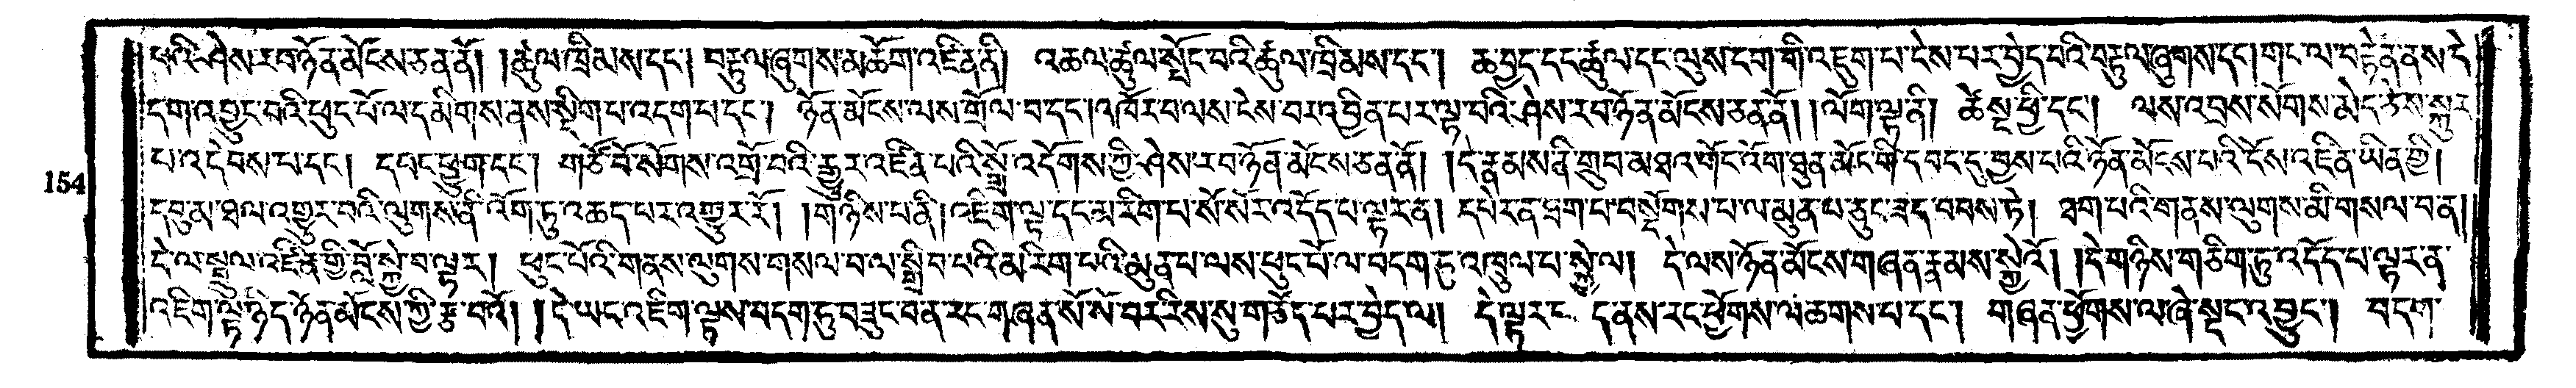པའི་ཤེས་རབ་ཉོན་མོངས་ཅན་ནོ། །ཚུལ་ཁྲིམས་དང་། བརྟུལ་ཞུགས་མཆོག་འཛིན་ནི། འཆལ་ཚུལ་སྤོང་བའི་ཚུལ་ཁྲིམས་དང་། ཆ་བྱད་དང་ཚུལ་དང་ལུས་ངག་གི་འཇུག་པ་ངེས་པར་བྱེད་པའི་བརྟུལ་ཞུགས་དང་། གང་ལ་བརྟེན་ནས་དེ་
དག་འབྱུང་བའི་ཕུང་པོ་ལ་དམིགས་ནས་སྡིག་པ་འདག་པ་དང་། ཉོན་མོངས་ལས་གྲོལ་བ་དང་། འཁོར་བ་ལས་ངེས་བར་འབྱིན་པར་ལྟ་བའི་ཤེས་རབ་ཉོན་མོངས་ཅན་ནོ། །ལོག་ལྟ་ནི། ཚེ་སྔ་ཕྱི་དང་། ལས་འབྲས་སོགས་མེད་ཅེས་སྐུར་
པ་འདེབས་པ་དང་། དབང་ཕྱུག་དང་། གཙོ་བོ་སོགས་འགྲོ་བའི་རྒྱུར་འཛིན་པའི་སྒྲོ་འདོགས་ཀྱི་ཤེས་རབ་ཉོན་མོངས་ཅན་ནོ། །དེ་རྣམས་ནི་གྲུབ་མཐའ་གོང་འོག་ཐུན་མོང་གི་དབང་དུ་བྱས་པའི་ཉོན་མོངས་པའི་ངོས་འཛིན་ཡིན་གྱི།
དབུ་མ་ཐལ་འགྱུར་བའི་ལུགས་ནི་འོག་ཏུ་འཆད་པར་འགྱུར་རོ། །གཉིས་པ་ནི། འཇིག་ལྟ་དང་མ་རིག་པ་སོ་སོར་འདོད་པ་ལྟར་ན། དཔེར་ན་ཐག་པ་བསྔོགས་པ་ལ་མུན་པ་ཅུང་ཟད་བབས་ཏེ། ཐག་པའི་གནས་ལུགས་མི་གསལ་བ་ན།
དེ་ལ་སྦྲུལ་འཛིན་གྱི་བློ་སྐྱེ་བ་ལྟར། ཕུང་པོའི་གནས་ལུགས་གསལ་བ་ལ་སྒྲིབ་པའི་མ་རིག་པའི་མུན་པ་ལས་ཕུང་པོ་ལ་བདག་ཏུ་འཁྲུལ་པ་སྐྱེ་ལ། དེ་ལས་ཉོན་མོངས་གཞན་རྣམས་སྐྱེའོ། །དེ་གཉིས་གཅིག་ཏུ་འདོད་པ་ལྟར་ན་
འཇིག་ལྟ་ཉིད་ཉོན་མོངས་ཀྱི་རྩ་བའོ། །དེ་ཡང་འཇིག་ལྟས་བདག་ཏུ་བཟུང་བ་ན་རང་གཞན་སོ་སོ་བར་རིས་སུ་གཅོད་པར་བྱེད་ལ། དེ་ལྟར་རང་ད་ནས་རང་ཕྱོགས་ལ་ཆགས་པ་དང་། གཞན་ཕྱོགས་ལ་ཞེ་སྡང་འབྱུང་། བདག་